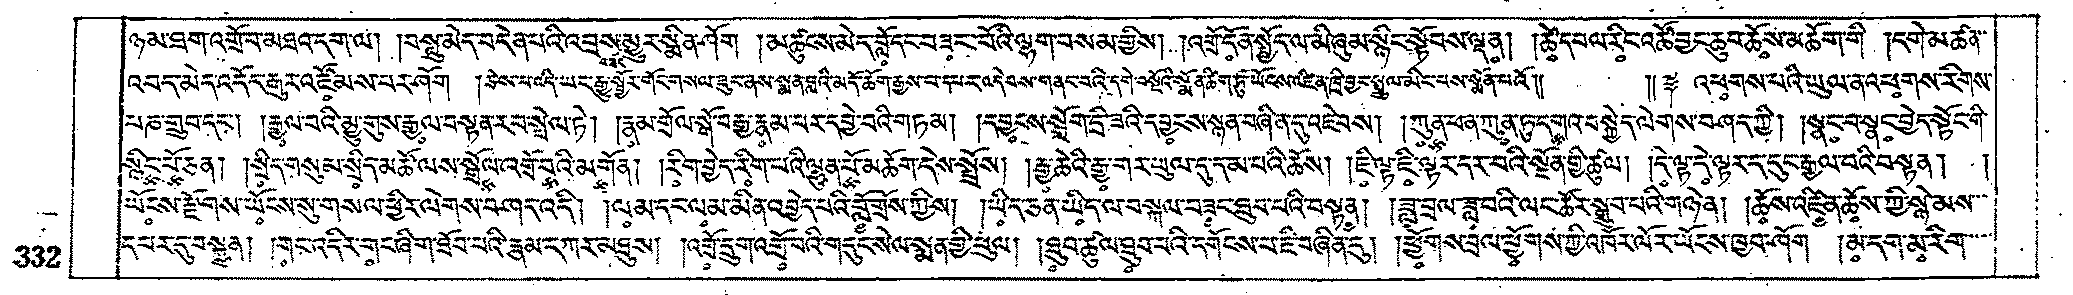ཉམ་ཐག་འགྲོ་བ་མཐའ་དག་ལ། །བསླུ་མེད་བདེན་པའི་འབྲས་བཟང་མྱུར་སྨིན་ཤོག །མཚུངས་མེད་བློ྾་དང་བཟང྾་པོའི་ལྷག་བསམ་གྱིས། །འགྲོ྾་དོན་སྤྱོད་ལ་མི་ཞུམ་སྙིང་སྟོབས་ལྡན྾། །ཚེ྾་དཔལ་རིང྾་འཚོ་བྱང་ཆུབ་ཆོས྾་མཆོག་གི །དགེ་མཚན་་་
འབད་མེད་འདོད་རྒུར་འཛོམས྾་པར་ཤོག་།ཅེས་པ་འདི་ཡང་རྒྱུ་སྦྱོར་གོང་གསལ་ཟུང་ནས་སྨན་བླའི་མདོ་ཆོག་རྒྱས་པ་དཔར་འདེབས་གནང་བའི་དགེ་བསྔོའི་སྨོན་ཚིག་ཏུ་ཡོངས་འཛིན་ཁྲི་བྱང་སྤྲུལ་མིང་པས་སྨོན་པའོ།།  །། འ་འཕགས྾་པའི་ཡུལ་ན་འཕགས྾་རིགས་
པཎ་གྲུབ་དང་། །རྒྱལ྾་བའི་མྱུ་གུས་རྒྱལ྾་བསྟན་རབ་སྤེལ་ཏེ། །རྣམ྾་གྲོལ་སྒོ་བརྒྱ་རྣམ྾་པར་དབྱེ་བའི་གཏམ། །དབྱངས྾་སྒྲོག་དྲི་ཟའི་དབྱངས྾་སྙན་བཞིན་དུ་འཇེབས། །ཀུན྾་ཕན་ཀུན྾་ཏུ་དགའ་བསྐྱེད་ལེགས་བཤད་ཀྱི། །སྣང྾་བ་སྣང྾་བྱེད་སྟོང་གི་
སྙིང་པོ་ཅན། །སྲིད྾་གསུམ་སྲིད྾་མཚོ་ལས་སྒྲོལ་འགྲོ་བའི་མགོན། །རིག྾་བྱེད་རིག྾་པའི་ལྷུན་པོ་མཆོག་དེས་སྤྲོས། །རྒྱ྾་ཆེའི་རྒྱ྾་གར་ཡུལ་དུ་དམ་པའི་ཆོས། །ཇི྾་ལྟ་ཇི྾་ལྟར་དར་བའི་སྔོན་གྱི་ཚུལ། །དེ྾་ལྟ་དེ྾་ལྟར་ད་དུང་རྒྱལ་བའི་བསྟན། །
ཡོངས྾་རྫོགས་ཡོངས྾་སུ་གསལ་ཕྱིར་ལེགས་བཤད་འདི། །ལམ྾་དང་ལམ྾་མིན་འབྱེད་པའི་བློ྾་གྲོས་ཀྱིས། །ཡིད྾་ཅན་ཡིད྾་ལ་བསྐལ་བཟངཾ་ཐུབ་པའི་བསྟནཾ། །ཟླ྾་བྲལ་ཟླ྾་བའི་ལང་ཚོར་སྒྲུབ་པའི་གཉེན། །ཆོས྾་འཛིནཾ་ཆོས྾་ཀྱི་སྙེམྶ་་་
དཔར་དུ་བསྐྲུན། །གང྾་འདིར་གང྾་ཞིག་ཐོབ་པའི་རྣམ་དཀར་མཐུས། །འགྲོ྾་དྲུག་འགྲོ྾་བའི་གདུང་སེལ་སྨན་གྱི་ཕུལ། །ཐུབ྾་ཚུལ་ཐུབ྾་པའི་དགོངས་པ་ཇི་བཞིན་དུ། །ཕྱོགས྾་བྲལ་ཕྱོགས྾་ཀྱི་འཁོར་ལོར་ཡོངས་ཁྱབ་ཤོག །མ྾་དག་མ྾་རིག་་་